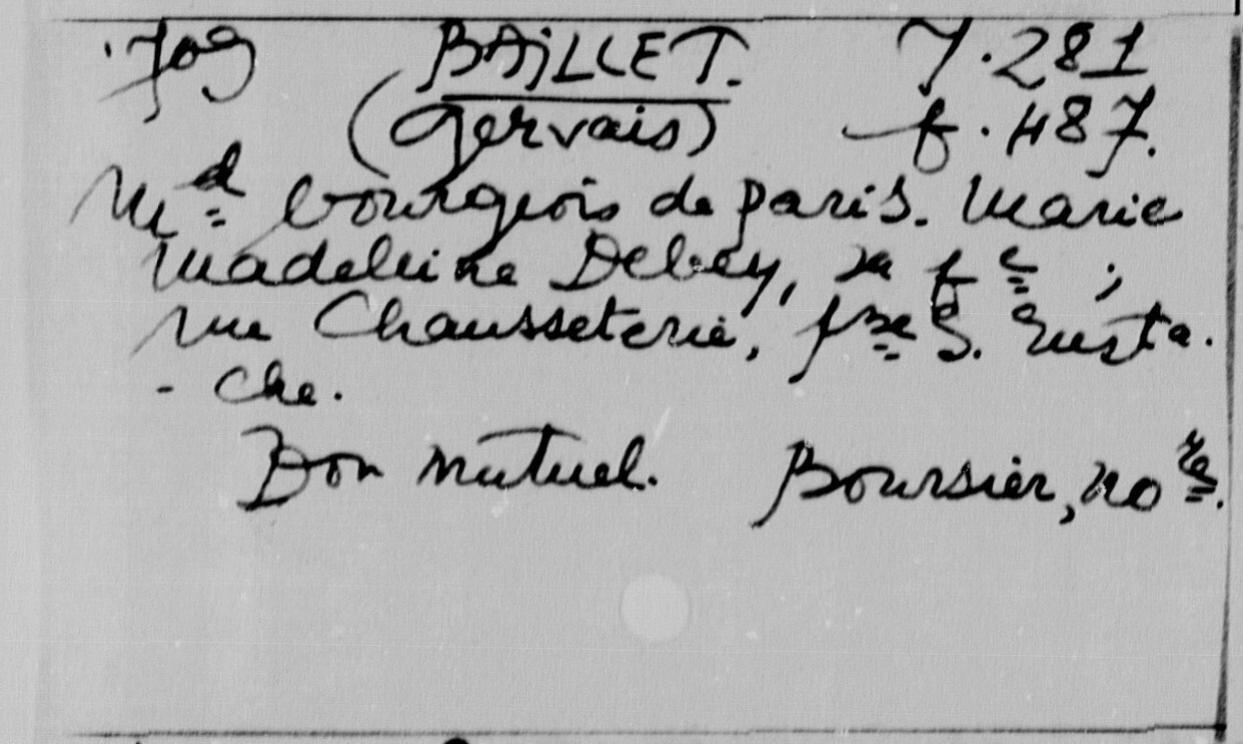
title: BAILLET (Gervais)
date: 1709
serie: Y
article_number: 281
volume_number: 487
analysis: Marchand bourgeois de Paris, Marie Madeleine Debey, sa femme, rue Chausseterie, paroisse Saint-Eustache Don mutuel Boursier, notaire
